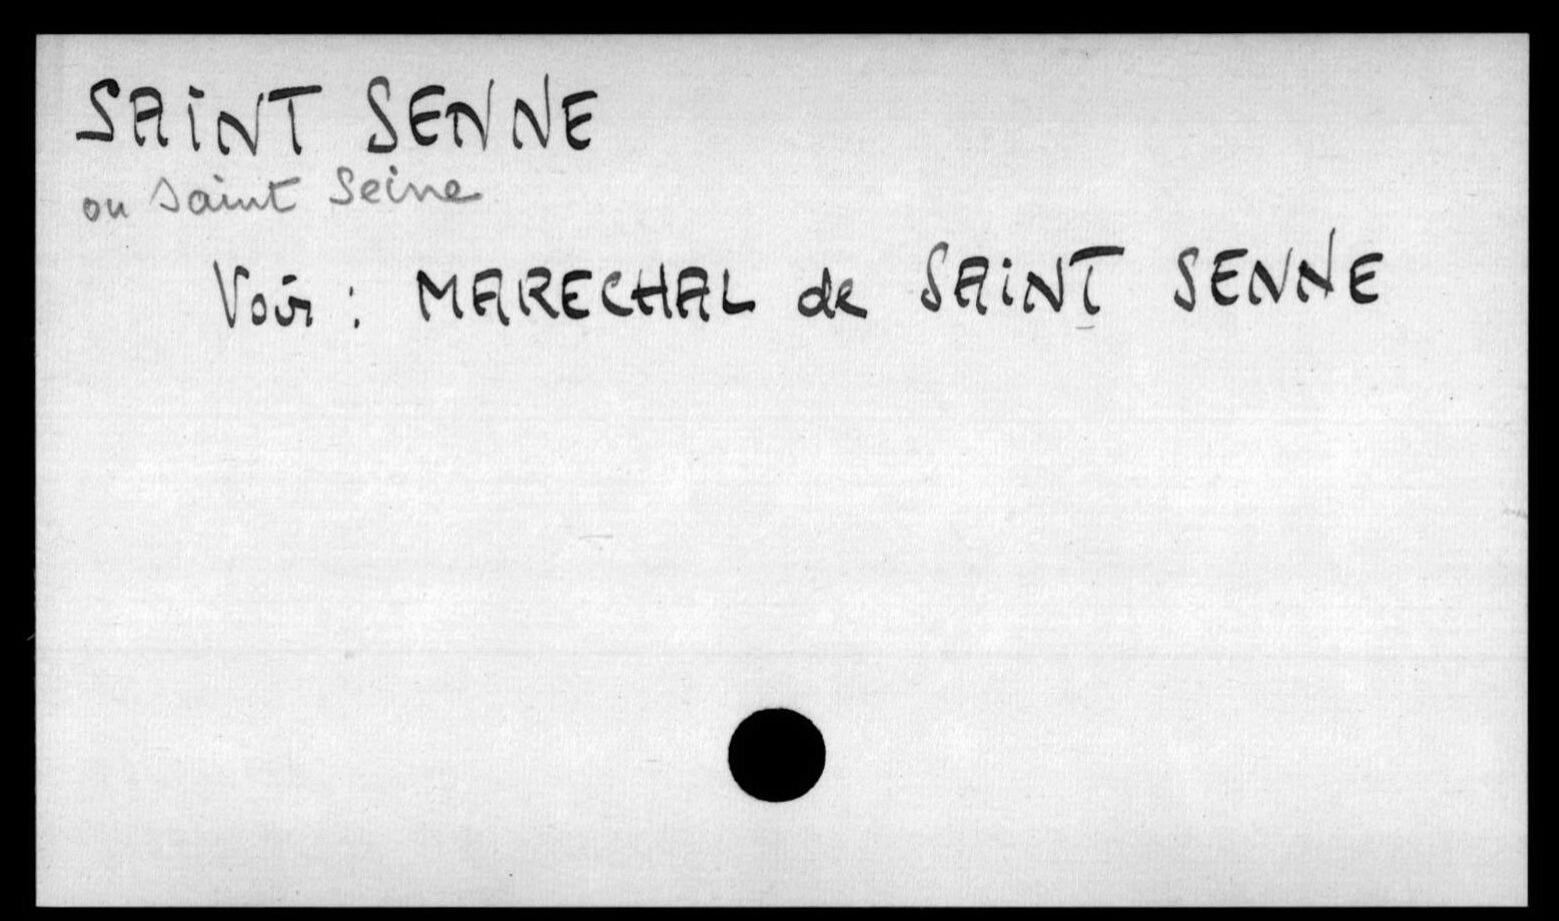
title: SAINT SENNE ou saint Seine
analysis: Voir : MARECHAL de SAINT SENNE
